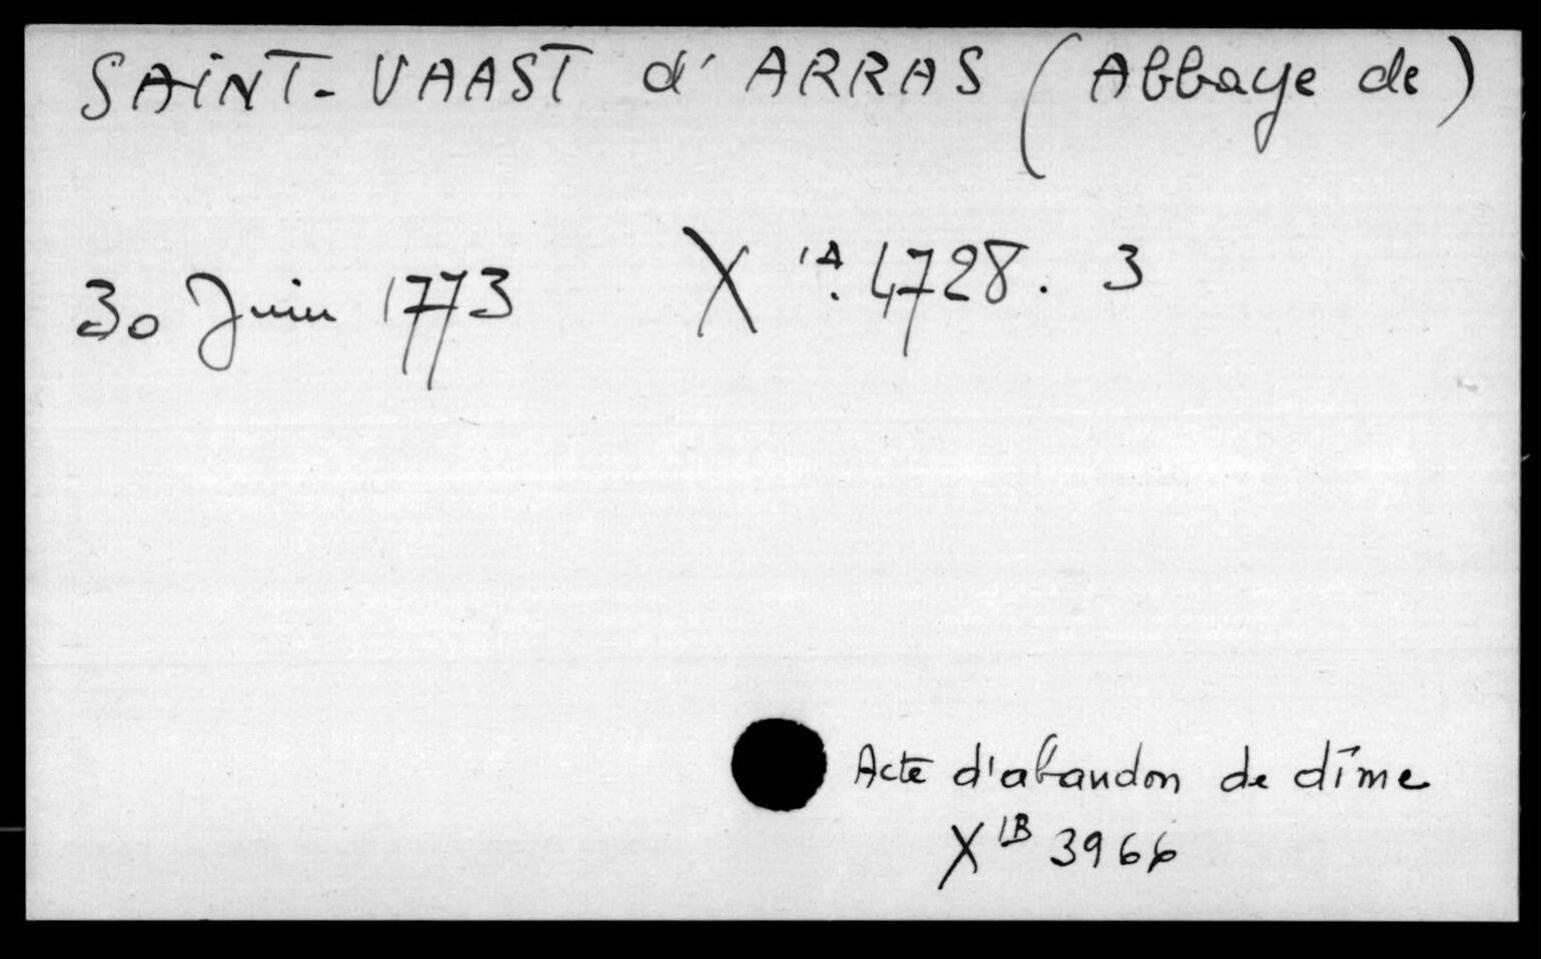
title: SAINT-VAAST d'ARRAS (Abbaye de)
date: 30 juin 1773
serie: X1A
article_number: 4728
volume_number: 3
